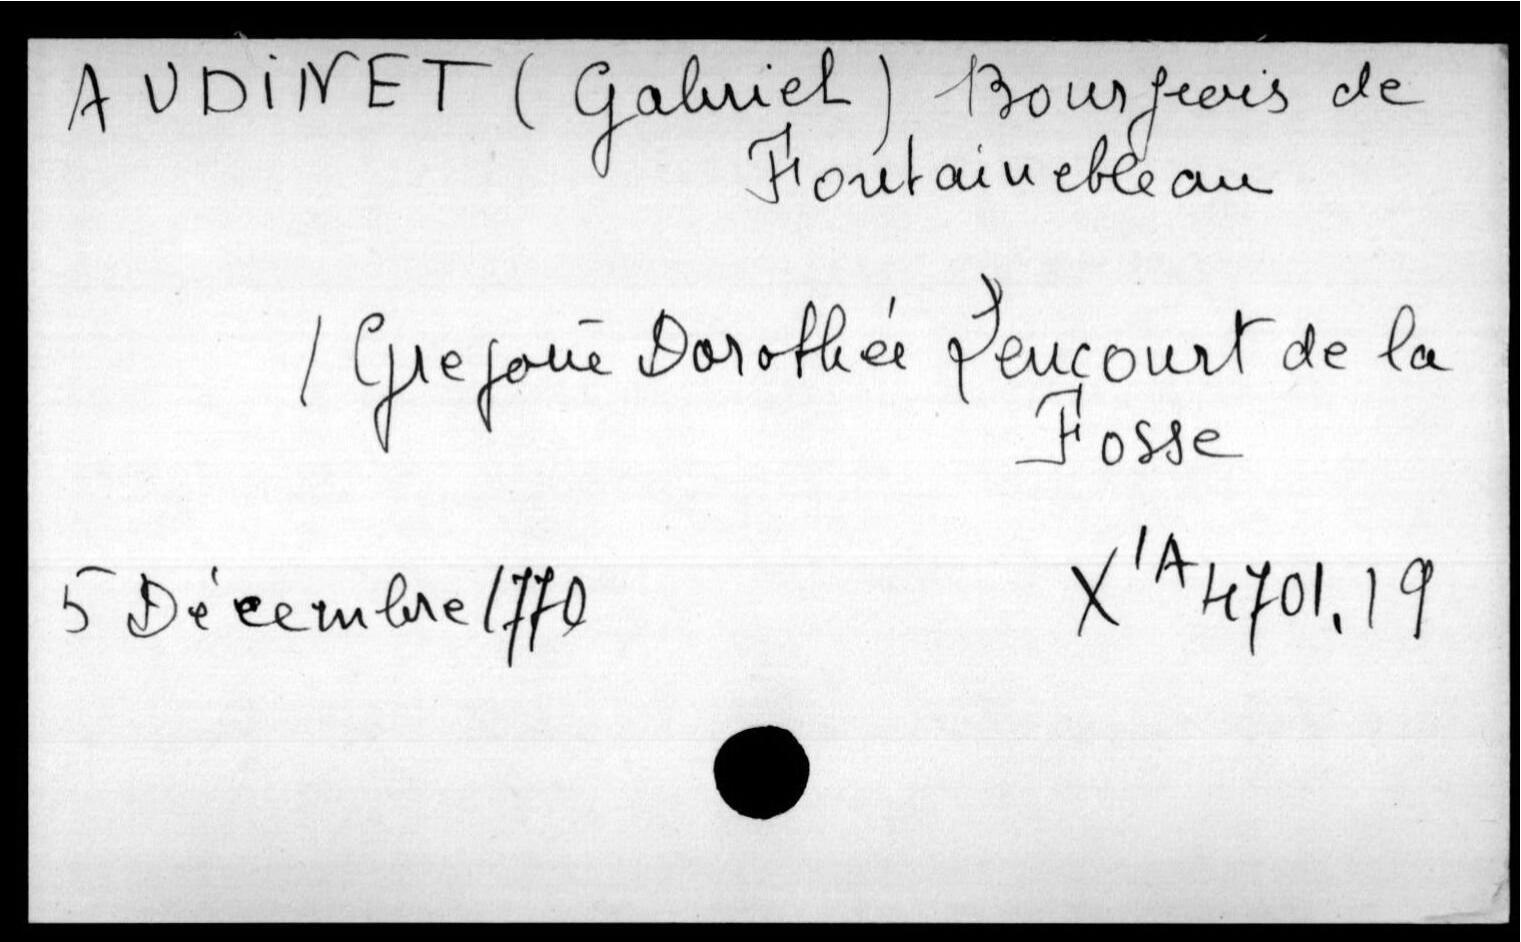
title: AUDINET (Gabriel) Bourgeois de Fontainebleau
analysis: Contre Grégoire Dorothée Leucourt de la Fosse
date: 5 décembre 1770
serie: X1A
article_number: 4701
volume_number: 19
